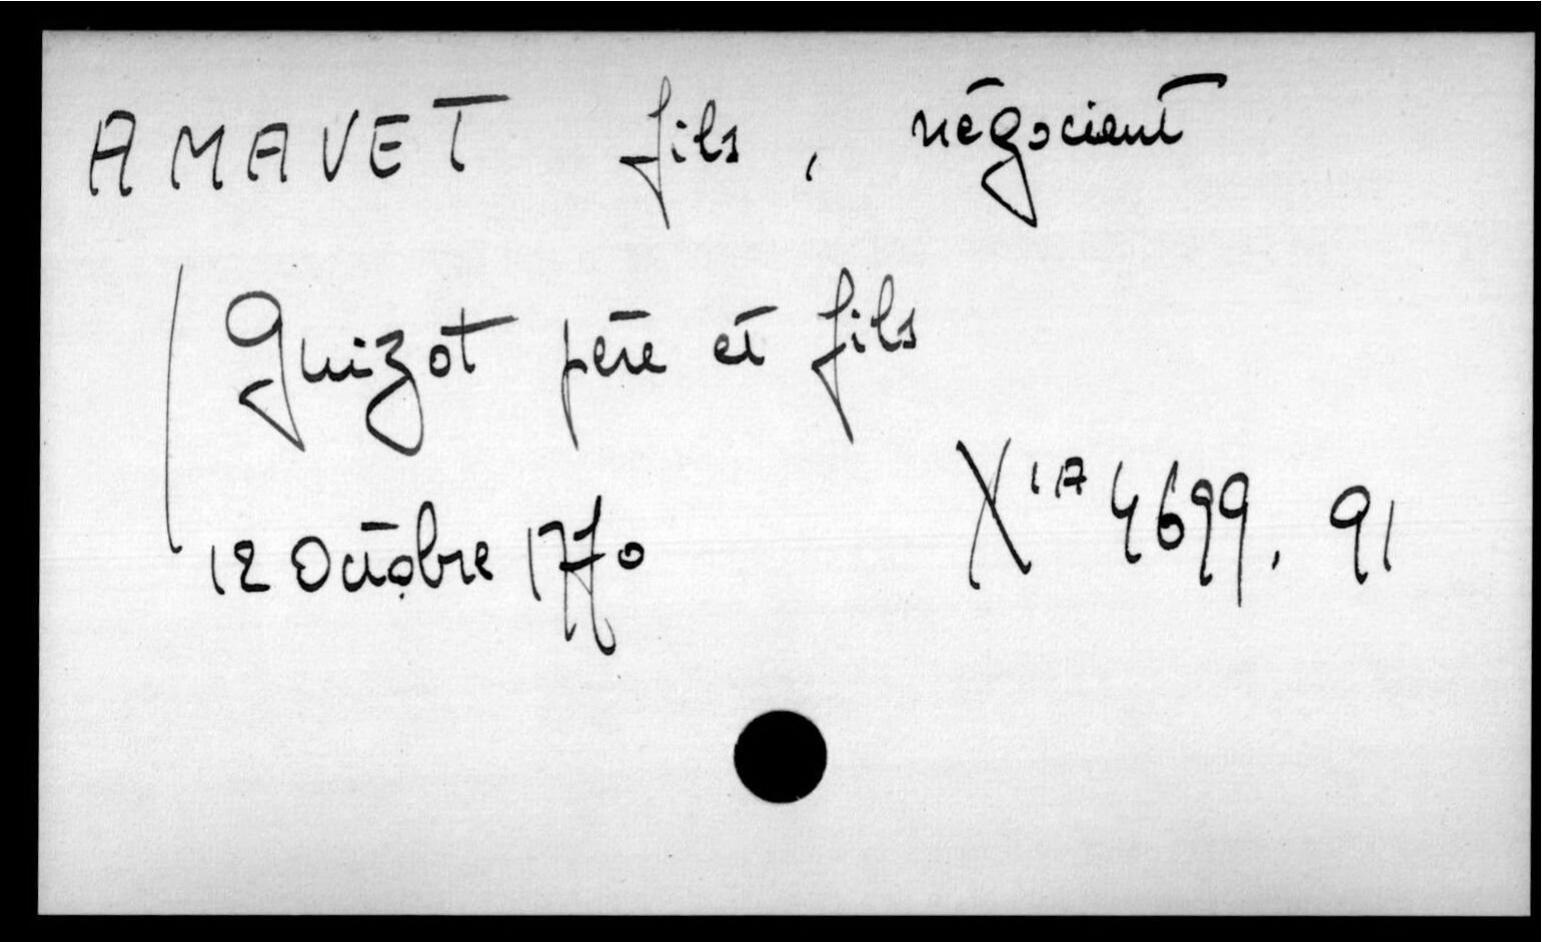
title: AMAVET fils, négociant
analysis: Contre Guizot père et fils
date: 12 octobre 1770
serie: X1A
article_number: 4699
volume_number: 91
